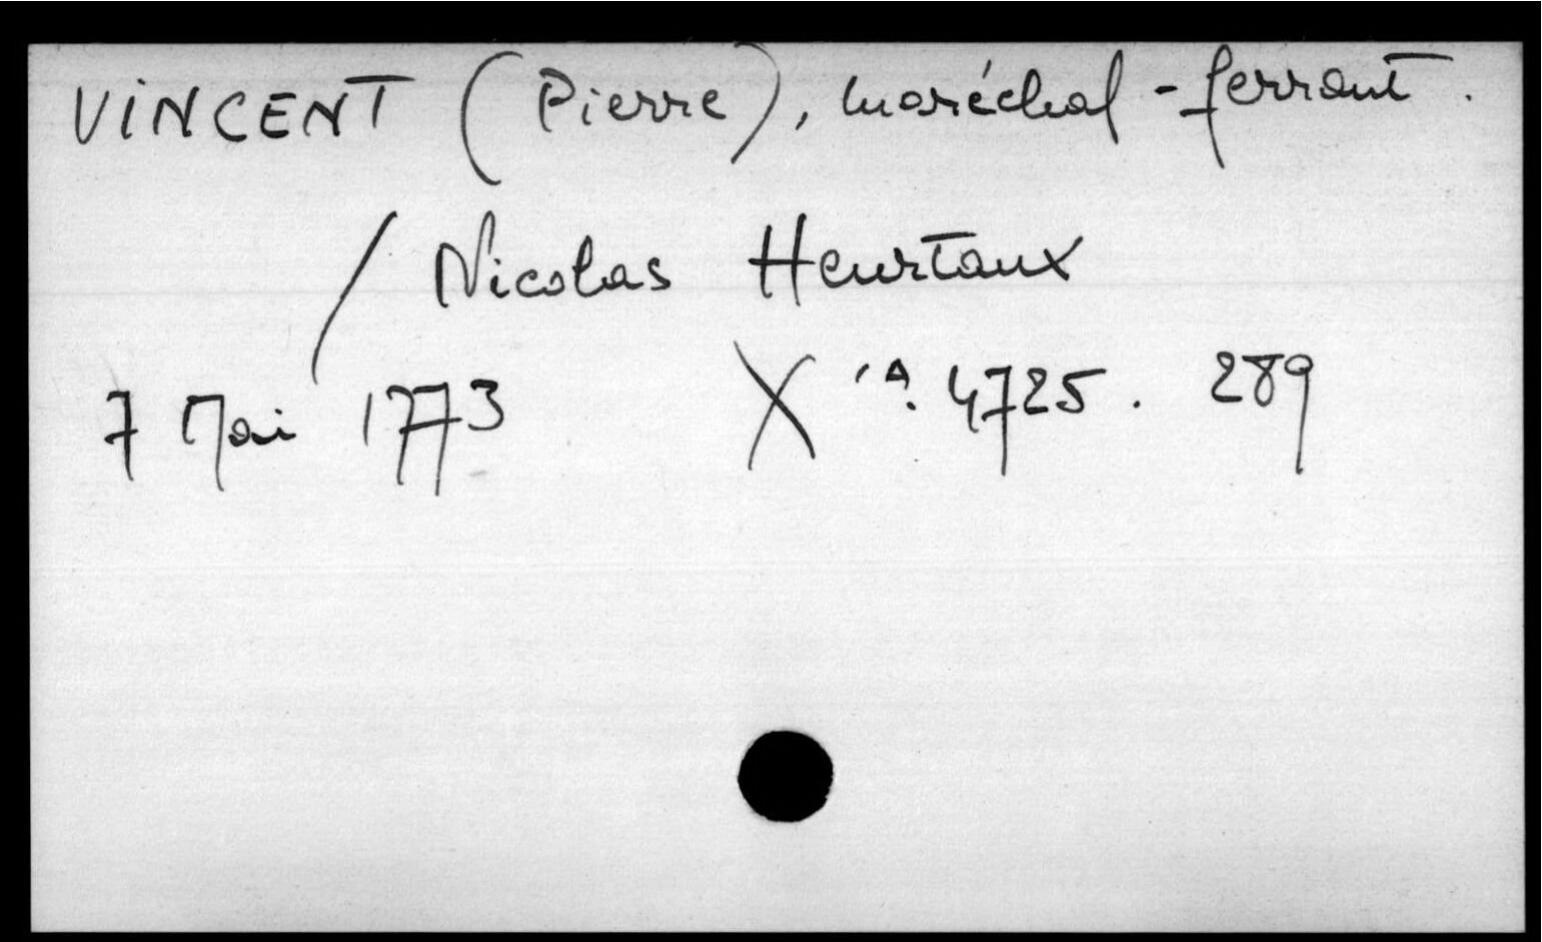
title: VINCENT (Pierre), maréchal ferrant
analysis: Contre Nicolas Heurtaux
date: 7 mai 1773
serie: X1A
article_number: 4725
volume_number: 289
